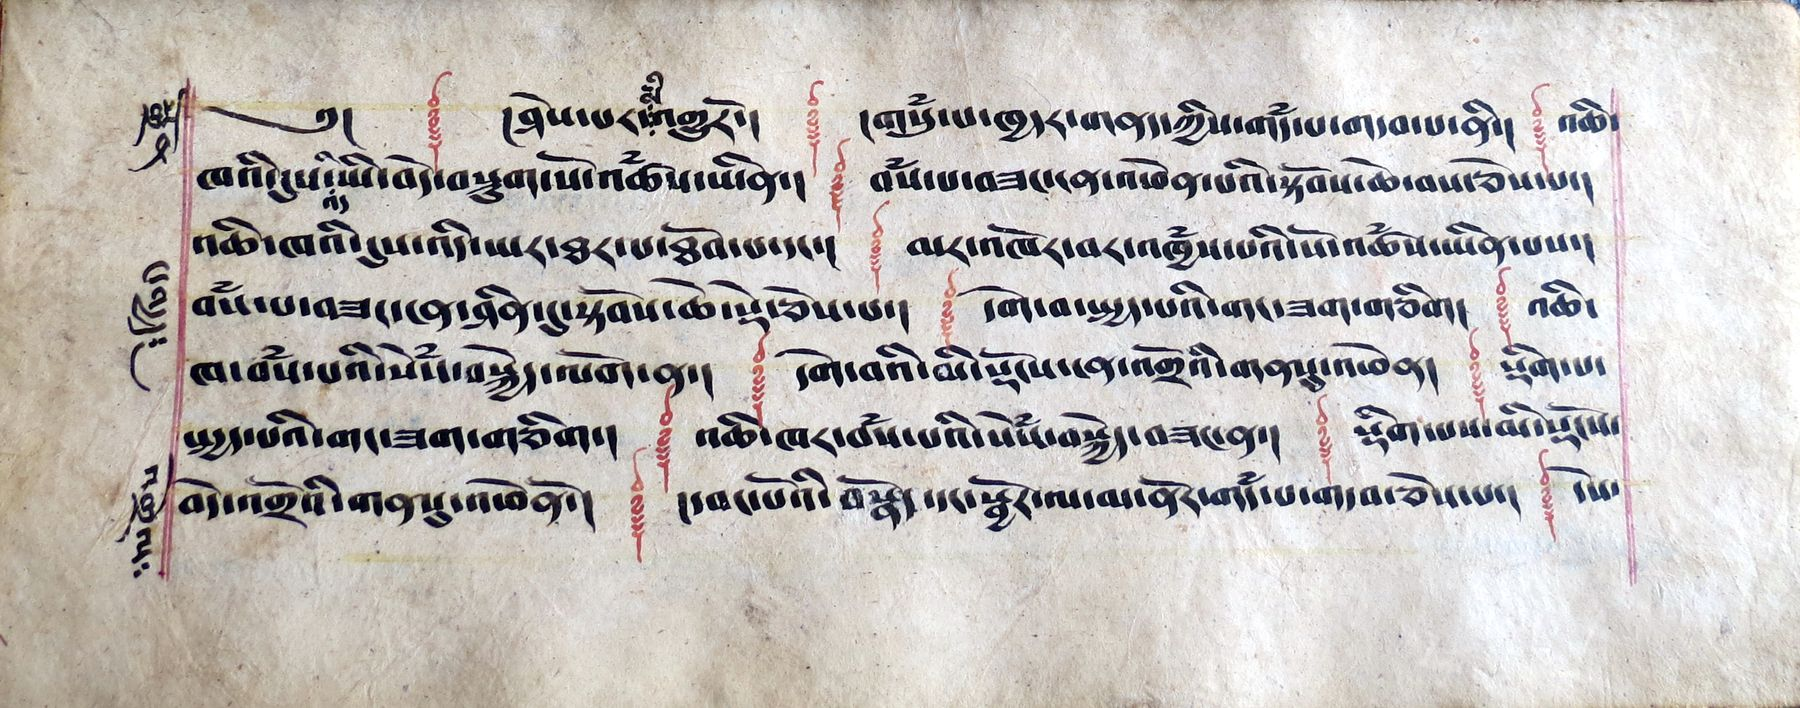ཤེས་པར་མི་འགྱུར་རོ། །གསུམ་པ་ཁྱད་པར་གནད་ཀྱི་གདམས་པ་གདབ་པ་ནི། འཆི་
ཁའི་དུས་འདི་བདེ་སྡུག་སོ་མཚམས་ཡིན། བསམ་པ་བཟང་ངན་འཕེན་པའི་སྟོབས་ཆེ་བས། །ཞེས་པས། 
འཆི་ཁའི་དུས་འདིར་ཡར་ཐར་པ་ཐོབ་པ་དང་། མར་འཁོར་བར་འཁྱམས་པའི་སོ་མཚམས་ཡིན་པས། 
བསམ་པ་བཟང་ངན་ཤིན་ཏུ་སྟོབས་ཆེ་སྟེ། དགེ་བ་སྤྱད་པའི་གང་ཟག་ཅིག འཆི་
ཁར་བསམ་པའི་སེམས་བསྐྱེད་ལོག་ན། དགེ་བས་མི་སྡོང་ངན་འགྲོའི་གནས་སུ་འཕེན། སྡིག་པ་
སྤྱད་པའི་གང་ཟག་ཅིག འཆི་ཁར་བསམ་པའི་སེམས་བསྐྱེད་བཟང་ན། སྡིག་པས་མི་སྡོང་
བདེ་འགྲོའི་གནས་སུ་འཕེན་ནོ། །དབང་པོའི་སྣོད་དང་སྦྱོར་ལ་མ་ནོར་གདམས་པ་གདབ། །ཅེས་པས། དེས་